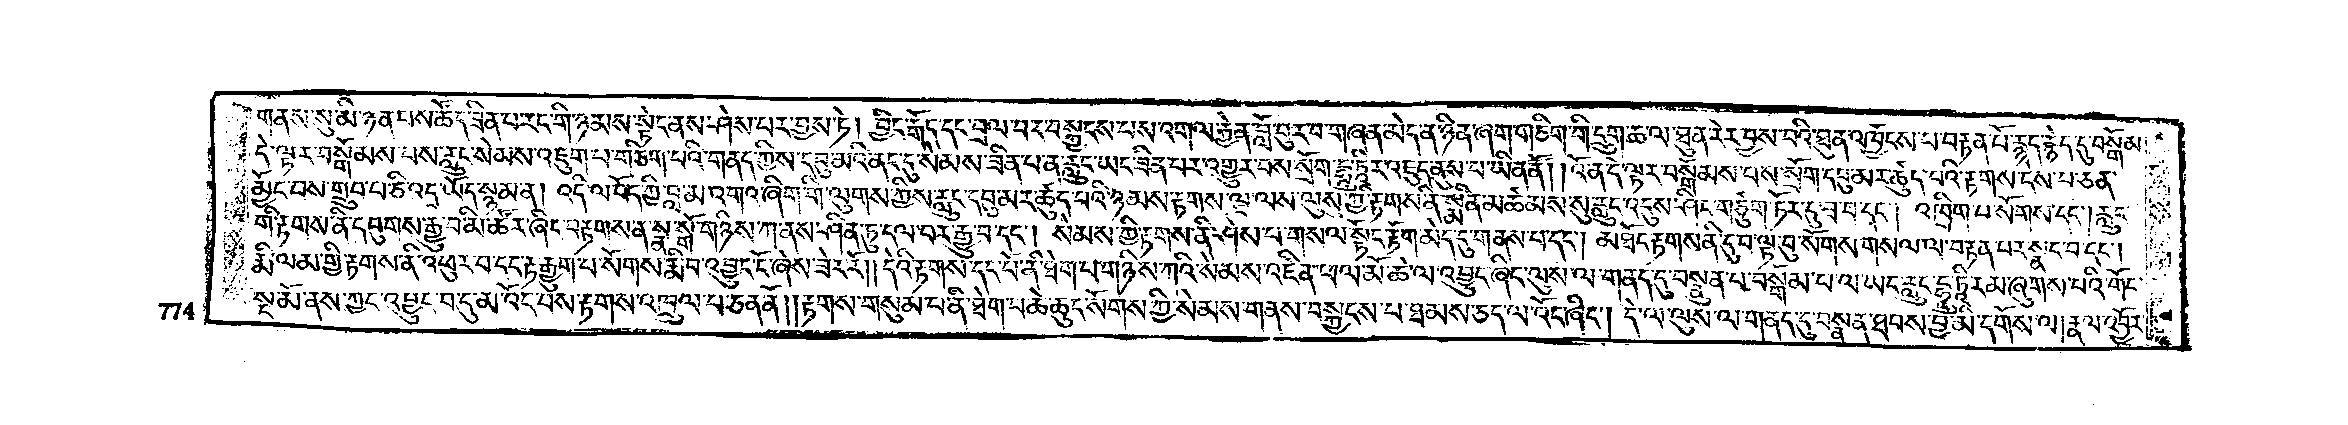གནས་སུ་མི་ཉན་པས་ཚོད་ཟིན་པ་རང་གི་ཉམས་སྟེང་ནས་ཤེས་པར་བྱས་ཏེ། བྱིང་རྒོད་དང་བྲལ་བར་བསྐྱངས་པས་འགལ་རྐྱེན་བློ་བུར་བ་གཞན་མེད་ན་ཉིན་ཞག་གཅིག་གི་དྲུག་ཆ་ལ་ཐུན་རེར་བྱས་བའི་ཐུན་འཁྱོངས་པ་བརྟན་པོ་རྙད་རྙེད་དུ་བསྒོམ་
དེ་ལྟར་བསྒོམས་པས་རླུང་སེམས་འཇུག་པ་གཅིག་པའི་གནད་ཀྱིས་དབུ་མའི་ནང་དུ་སེམས་ཟིན་པ་ན་རླུང་ཡང་ཟིན་པར་འགྱུར་བས་སྲོག་དྷཱུ་ཏཱིར་འཇུད་ནུས་པ་ཡིན་ནོ། །འོ་ན་དེ་ལྟར་བསྒོམས་པས་སྲོག་དབུ་མར་ཚུད་པའི་རྟགས་ངེས་པ་ཅན་
མྱོང་བས་གྲུབ་པ་ཅི་འདྲ་ཡོད་སྙམ་ན། འདི་ལ་བོད་ཀྱི་བླ་མ་འགའ་ཞིག་གི་ལུགས་ཀྱིས་རླུང་དབུ་མར་ཚུད་པའི་ཉམས་རྟགས་ལྔ་ལས་ལུས་ཀྱི་རྟགས་ནི་སྨིན་མཚམས་སུ་རླུང་འདུས་ཤིང་གཙུག་ཏོར་དུ་ཟ་བ་དང་། འཁྲིག་པ་སོགས་དང་། རླུང་
གི་རྟགས་ནི་དབུགས་རྒྱུ་བ་མི་ཚོར་ཞིང་བརྟགས་ན་སྣ་སྒོ་གཉིས་ཀ་ནས་ཤིན་ཏུ་དལ་བར་རྒྱུ་བ་དང་། སེམས་ཀྱི་རྟགས་ནི་ཤེས་པ་གསལ་སྟོང་རྟོག་མེད་དུ་གནས་པ་དང་། མཐོང་རྟགས་ནི་དུ་བ་ལྟ་བུ་སོགས་གསལ་ལ་བརྟན་པར་སྣང་བ་དང་།
རྨི་ལམ་གྱི་རྟགས་ནི་འཕུར་བ་དང་རྟ་རྒྱུག་པ་སོགས་རྨི་བ་འབྱུང་ངོ་ཞེས་ཟེར་རོ། །དེའི་རྟགས་དང་པོ་ནི་ཐེག་པ་གཉིས་ཀའི་སེམས་འཛིན་ཕལ་མོ་ཆེ་ལ་འབྱུང་ཞིང་ལུས་ལ་གནད་དུ་བསྣུན་པ་བསྒོམ་པ་ལ་ཡང་རླུང་དྷཱུ་ཏཱིར་མ་ཞུགས་པའི་གོང་
སྔ་མོ་ནས་ཀྱང་འབྱུང་བ་དུ་མ་འོང་བས་རྟགས་འཁྲུལ་པ་ཅན་ནོ། །རྟགས་གསུམ་པ་ནི་ཐེག་པ་ཆེ་ཆུང་སོགས་ཀྱི་སེམས་གནས་བསྐྱངས་པ་ཐམས་ཅད་ལ་འོང་ཞིང་། དེ་ལ་ལུས་ལ་གནད་དུ་བསྣུན་ཐབས་བྱ་མི་དགོས་ལ། རྣལ་འབྱོར་